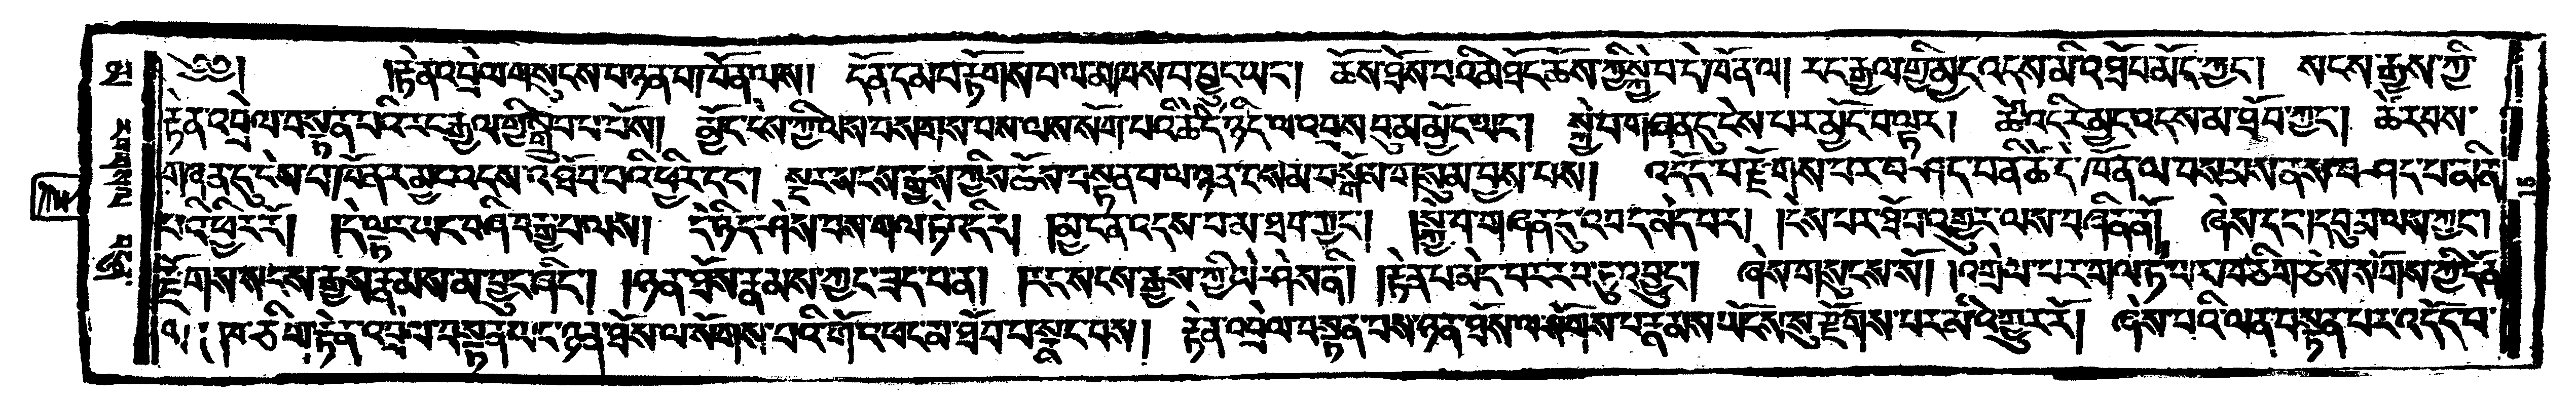༄༅། །རྟེན་འབྲེལ་གསུངས་པ་ཉན་པ་ཁོ་ན་ལས། དོན་དམ་པ་རྟོགས་པ་ལ་མཁས་པ་བྱུང་ཡང་། ཆོས་ཐོས་པའི་མཐོང་ཆོས་ཀྱི་སྐྱེ་བ་དེ་ཁོ་ན་ལ། རང་རྒྱལ་གྱི་མྱང་འདས་མི་འཐོབ་མོད་ཀྱང་། སངས་རྒྱས་ཀྱི་
རྟེན་འབྲེལ་བསྟན་པའི་རང་རྒྱལ་གྱི་སྒྲུབ་པ་པོས། མྱོང་ངེས་ཀྱི་ལས་བསགས་པས་ལས་སོག་པའི་ཚེ་དེ་ཉིད་ལ་འབྲས་བུ་མ་མྱོང་ཡང་། སྐྱེ་བ་གཞན་དུ་ངེས་པར་མྱོང་བ་ལྟར། ཚེ་འདིར་མྱང་འདས་མ་ཐོབ་ཀྱང་། ཚེ་རབས་
གཞན་དུ་ངེས་པ་ཁོ་ནར་མྱང་འདས་འཐོབ་པའི་ཕྱིར་དང་། སྔར་སངས་རྒྱས་ཀྱིས་ཆོས་བསྟན་པ་ལ་ཉན་བསམ་བསྒོམ་གསུམ་བྱས་པས། འདོད་པ་རྫོགས་པར་བཤད་པ་ནི་ཚེ་དེ་ཁོ་ན་ལ་བསམས་ནས་བཤད་པ་མིན་
པའི་ཕྱིར་རོ། །དེ་ལྟར་ཡང་བཞི་བརྒྱ་པ་ལས། དེ་ཉིད་ཤེས་པས་གལ་ཏེ་འདིར། །མྱ་ངན་འདས་པ་མ་ཐོབ་ཀྱང་། །སྐྱེ་བ་གཞན་དུ་འབད་མེད་པར། །ངེས་པར་ཐོབ་འགྱུར་ལས་བཞིན་ནོ། ཞེས་དང་། དབུ་མ་ལས་ཀྱང་།
རྫོགས་སངས་རྒྱས་རྣམས་མ་བྱུང་ཞིང་། །ཉན་ཐོས་རྣམས་ཀྱང་ཟད་པ་ན། །རང་སངས་རྒྱས་ཀྱི་ཡེ་ཤེས་ནི། །རྟེན་པ་མེད་པར་རབ་ཏུ་འབྱུང་། །ཞེས་གསུངས་སོ། །འགྲེལ་པར་གལ་ཏེ་ཡང་ཁ་ཅིག་ཅེས་སོགས་ཀྱི་དོན་
ལ༑ ༑ཁ་ཅིག་རྟེན་འབྲེལ་བསྟན་ཡང་ཉན་ཐོས་ལ་སོགས་པའི་གོ་འཕང་མ་ཐོབ་པ་སྣང་བས། རྟེན་འབྲེལ་བསྟན་པས་ཉན་ཐོས་ལ་སོགས་པ་རྣམས་ཡོངས་སུ་རྫོགས་པར་མི་འགྱུར་རོ། ཞེས་པའི་ལན་བསྟན་པར་འདོད་པ་